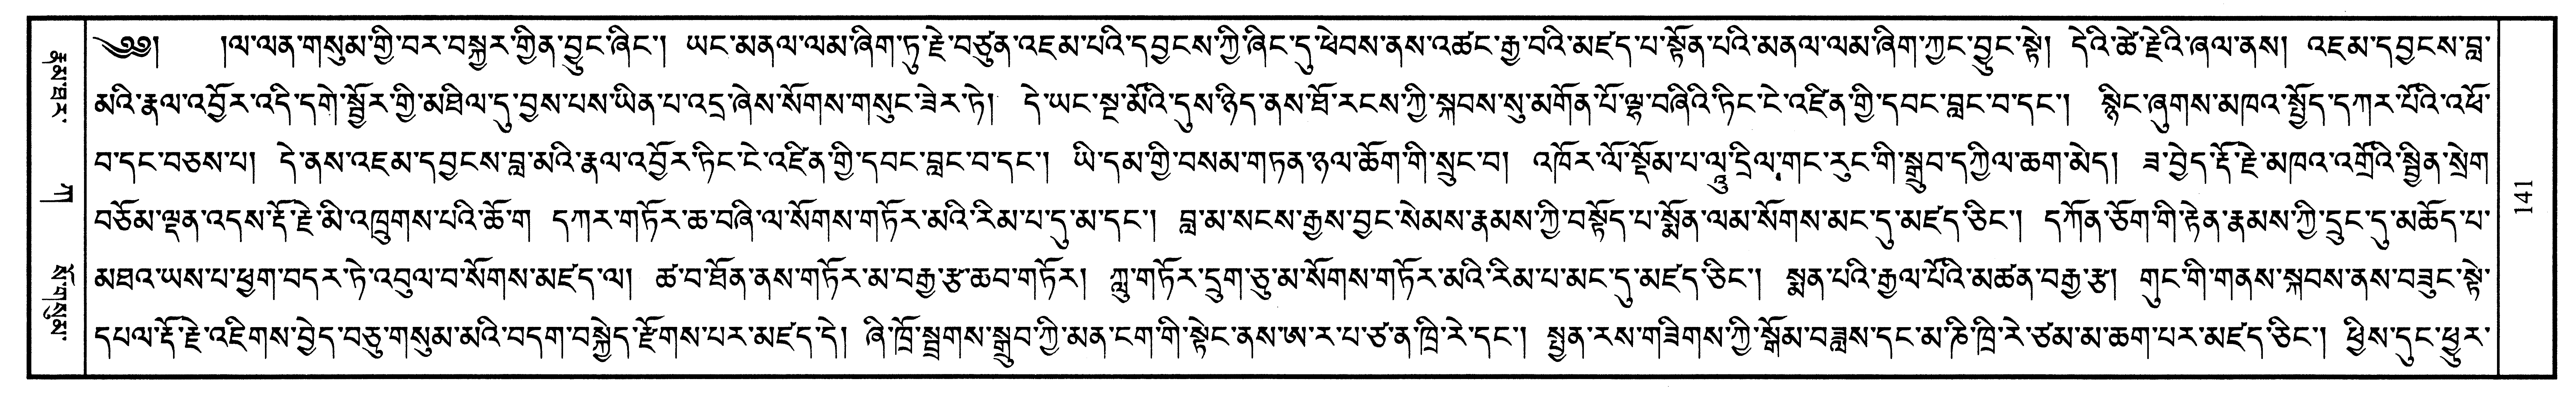༄༅། །ལ་ལན་གསུམ་གྱི་བར་བསྐྱར་གྱིན་བྱུང་ཞིང་། ཡང་མནལ་ལམ་ཞིག་ཏུ་རྗེ་བཙུན་འཇམ་པའི་དབྱངས་ཀྱི་ཞིང་དུ་ཕེབས་ནས་འཚང་རྒྱ་བའི་མཛད་པ་སྟོན་པའི་མནལ་ལམ་ཞིག་ཀྱང་བྱུང་སྟེ། དེའི་ཚེ་རྗེའི་ཞལ་ནས། འཇམ་དབྱངས་བླ་
མའི་རྣལ་འབྱོར་འདི་དགེ་སྦྱོར་གྱི་མཐིལ་དུ་བྱས་པས་ཡིན་པ་འདྲ་ཞེས་སོགས་གསུང་ཟེར་ཏེ། དེ་ཡང་སྔ་མོའི་དུས་ཉིད་ནས་ཐོ་རངས་ཀྱི་སྐབས་སུ་མགོན་པོ་ལྷ་བཞིའི་ཏིང་ངེ་འཛིན་གྱི་དབང་བླང་བ་དང་། སྙིང་ཞུགས་མཁའ་སྤྱོད་དཀར་པོའི་འཕོ་
བ་དང་བཅས་པ། དེ་ནས་འཇམ་དབྱངས་བླ་མའི་རྣལ་འབྱོར་ཏིང་ངེ་འཛིན་གྱི་དབང་བླང་བ་དང་། ཡི་དམ་གྱི་བསམ་གཏན་ཉལ་ཆོག་གི་སྲུང་བ། འཁོར་ལོ་སྡོམ་པ་ལཱུ་དྲིལ་གང་རུང་གི་སྒྲུབ་དཀྱིལ་ཆག་མེད། ཟ་བྱེད་རྡོ་རྗེ་མཁའ་འགྲོའི་སྦྱིན་སྲེག་
བཅོམ་ལྡན་འདས་རྡོ་རྗེ་མི་འཁྲུགས་པའི་ཆོ་ག །དཀར་གཏོར་ཆ་བཞི་ལ་སོགས་གཏོར་མའི་རིམ་པ་དུ་མ་དང་། བླ་མ་སངས་རྒྱས་བྱང་སེམས་རྣམས་ཀྱི་བསྟོད་པ་སྨོན་ལམ་སོགས་མང་དུ་མཛད་ཅིང་། དཀོན་ཅོག་གི་རྟེན་རྣམས་ཀྱི་དྲུང་དུ་མཆོད་པ་
མཐའ་ཡས་པ་ཕྱག་བདར་ཏེ་འབུལ་བ་སོགས་མཛད་ལ། ཚ་བ་ཐོན་ནས་གཏོར་མ་བརྒྱ་རྩ་ཆབ་གཏོར། ཀླུ་གཏོར་དྲུག་ཅུ་མ་སོགས་གཏོར་མའི་རིམ་པ་མང་དུ་མཛད་ཅིང་། སྨན་པའི་རྒྱལ་པོའི་མཚན་བརྒྱ་རྩ། གུང་གི་གནས་སྐབས་ནས་བཟུང་སྟེ་
དཔལ་རྡོ་རྗེ་འཇིགས་བྱེད་བཅུ་གསུམ་མའི་བདག་བསྐྱེད་རྫོགས་པར་མཛད་དེ། ཞི་ཁྲོ་སྦྲགས་སྒྲུབ་ཀྱི་མན་ངག་གི་སྟེང་ནས་ཨ་ར་པ་ཙ་ན་ཁྲི་རེ་དང་། སྤྱན་རས་གཟིགས་ཀྱི་སྒོམ་བཟླས་དང་མ་ཎི་ཁྲི་རེ་ཙམ་མ་ཆག་པར་མཛད་ཅིང་། ཕྱིས་དུང་ཕྱུར་